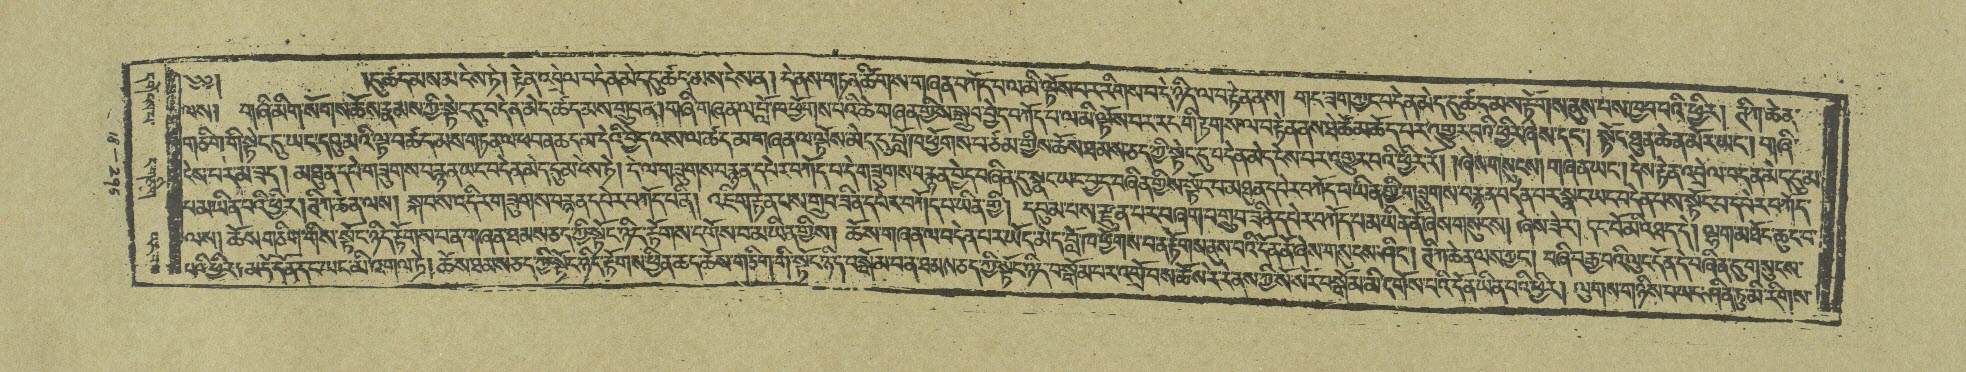༄༅། །དུ་ཚད་མས་མ་ངེས་ཏེ། རྟེན་འབྲེལ་བདེན་མེད་དུ་ཚད་མས་ངེས་ན། དེ་ནས་གཏན་ཚིགས་གཞན་བཀོད་པ་ལ་མི་ལྟོས་པར་རིགས་པ་དེ་ཉིད་ལ་བརྟེན་ནས། གང་ཟག་ཀྱང་བདེན་མེད་དུ་ཚད་མས་རྟོགས་ནུས་པས་ཁྱབ་པའི་ཕྱིར། ཊིཀ་ཆེན་
ལས། གཞི་མིག་སོགས་ཆོས་རྣམས་ཀྱི་སྟེང་དུ་བདེན་མེད་ཚད་མས་གྲུབ་ན། གཞི་གཞན་ལ་བློ་ཁ་ཕྱོགས་པའི་ཆེ་གཞན་གྱིས་སྒྲུབ་བྱེད་བཀོད་པ་ལ་མི་ལྟོས་པར་རང་གི་རྟགས་ལ་བརྟེན་ནས་ཐེ་ཚོམ་ཆོད་པར་འགྱུར་པའི་ཕྱིར་ཞེས་དང་། སྟོང་ཐུན་ཆེན་མོར་ཡང་། གཞི་
གཅིག་གི་སྟེང་དུ་ཡང་དབུ་མའི་ལྟ་པ་ཚད་མས་གཏན་ལ་ཕབ་ན་ཆད་མ་དེའི་བྱེད་ལས་ལ་ཚད་མ་གཞན་ལ་ལྟོས་མེད་དུ་བློ་ཁ་ཕྱོགས་པ་ཙམ་གྱིས་ཆོས་ཐམས་ཅད་ཀྱི་སྟེང་དུ་བདེན་མེད་ངེས་པར་འགྱུར་པའི་ཕྱིར་རོ། །ཞེས་གསུངས། གཞན་ཡང་། དེས་རྟེན་འབྲེལ་བ་དོན་མེད་དུ་མ་
ངེས་པར་མ་ཟད། མཐུན་དཔེ་གཟུགས་བརྙན་ཡང་བདེན་མེད་དུ་མ་ངེས་ཏེ། དེ་ལ་གཟུགས་བརྙན་དཔེར་བཀོད་པ་དེ་གཟུགས་བརྙན་བྱེད་བཞིན་དུ་སྣང་ཡང་བྱད་བཞིན་གྱིས་སྟོང་པ་མཐུན་དཔེར་བཀོད་པ་ཡིན་གྱི་གཟུགས་བརྙན་བདེན་པར་སྣང་ཡང་བདེན་པས་སྟོང་པ་དཔེར་བཀོད་
པ་མ་ཡིན་པའི་ཕྱིར། ཊིཀ་ཆེན་ལས། སྐབས་འདིར་གཟུགས་བརྙན་དཔེར་བཀོད་པ་ནི། འཇིག་རྟེན་པས་གྲུབ་ཟིན་དཔེར་བཀོད་པ་ཡིན་གྱི། དབུ་མ་པས་རྫུན་པར་བཞག་པ་གྲུབ་ཟིན་དཔེར་བཀོད་པ་མ་ཡིན་ནོ་ཞེས་གསུངས། ཞེས་ཟེར། དང་པོ་མི་འཐད་དེ། ལྷག་མཐོང་ཆུང་བ་
ལས། ཆོས་གཅིག་གིས་སྟོང་ཉིད་རྟོགས་པ་ན་གཞན་ཐམས་ཅད་ཀྱི་སྟོང་ཉིད་རྟོགས་དགོས་པ་མ་ཡིན་གྱིས། ཆོས་གཞན་ལ་བདེན་པར་ཡོད་མེད་བློ་ཁ་ཕྱོགས་པ་ན་རྟོགས་ནུས་པའི་དོན་ནོ་ཞེས་གསུངས་ཤིང་། ཊིཀ་ཆེན་ལས་ཀྱང་། བཞི་བརྒྱ་པའི་ལུང་དོན་དེ་བཞིན་དུ་གསུངས་
པའི་ཕྱིར། མདོ་དོན་དང་ཡང་མི་འགལ་ཏེ། ཆོས་ཐམས་ཅད་ཀྱི་སྟོང་ཉིད་རྟོགས་ཕྱིན་ཆད་ཆོས་གཅིག་གི་སྟོང་ཉིད་བསྒོམ་པ་ན་ཐམས་ཅད་ཀྱི་སྟོང་ཉིད་བསྒོམ་པར་འགྲོ་བས་ཆོས་རེ་རེ་ནས་ཀྱི་སོ་སོར་བསྒེ་མ་མི་དགོས་པའི་དོན་ཡིན་པའི་ཕྱིར། ལུགས་གཉིས་པ་ཡང་ཤིན་ཏུ་མི་རིགས་